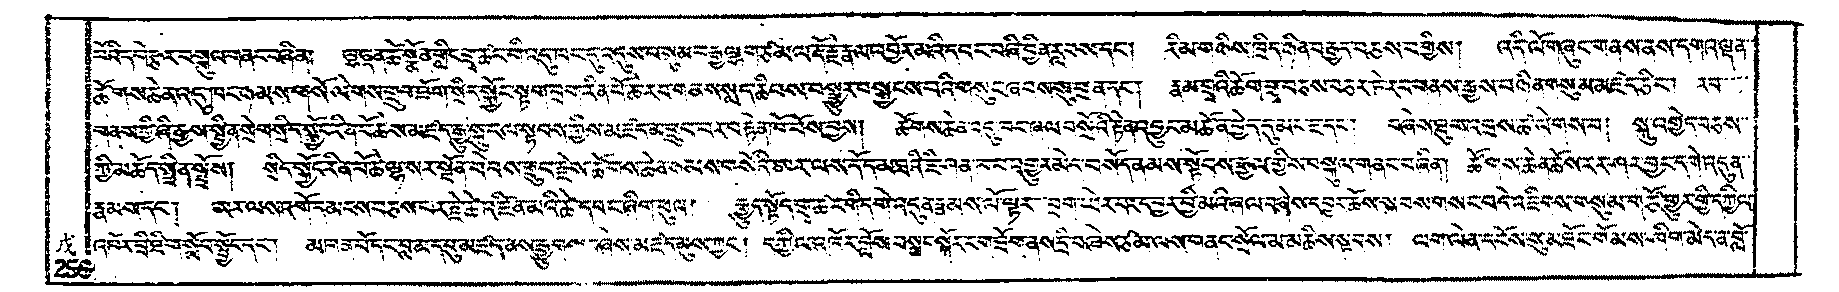བོའི་དགེ་རྩར་བསྐུལ་གནང་བཞིན། ལྷ་ལྡན་ཚེ་སྨོན་གླིང་གྲྭ་ཚང་གི་འདུ་ཁང་དུ་འདུས་པ་སུམ་བརྒྱ་ལྷག་ཙམ་ལ་རྡོ་རྗེ་རྣལ་འབྱོར་མའི་དབང་བཞི་བྱིན་རླབས་དང་། རིམ་གཉིས་ཁྲིད་ཉིན་བརྒྱད་བཅས་བགྱིས། འདི་ལོ་གཞུང་གནས་ནས་དགའ་ལྡན་
ཚོགས་ཆེན་འདུ་ཁང་ཉམས་གསོ་ལེགས་གྲུབ་ཐོག་སྲིད་སྐྱོང་སྟག་བྲག་རིན་པོ་ཆེ་རབ་གནས་སླད་ཆིབས་བསྒྱུར་བསྐྱངས་པའི་གསུང་ཞབས་སུ་ཕྲན་དང་། རྣམ་གྲྭའི་ཆོག་གྲྭ་བཅས་བཅར་ཏེ་རབ་གནས་རྒྱས་པ་ཉིན་གསུམ་མཛད་ཅིང་། རབ་
གནས་ཀྱི་ཞི་རྒྱས་སྦྱིན་སྲེག་སྲིད་སྐྱོང་རིན་པོ་ཆེས་མཛད་རྒྱུ་སྐུ་ངལ་སྟབས་ཀྱིས་མཛད་མ་གྲུབ་པར་བརྟེན་ཁོ་བོས་བྱས། ཚོགས་ཆེན་འདུ་ཁང་ཞལ་བསྲོའི་རྟེན་འབྱུང་མཚོན་བྱེད་དུ་མང་ཇ་དང་། བཞེས་ཐུག་འབྲས་ཚ་ལེགས་པ། སྐུ་འགྱེད་བཅས་
ཀྱི་མཆོད་སྤྲིན་སྤྲོས། སྲིད་སྐྱོང་རིན་པོ་ཆེ་ལྷ་སར་སྔོན་ཕེབས་གྲུབ་རྗེས་ཚོགས་ཆེན་ཉམས་གསོའི་ཨར་ལས་དོ་དམ་ཐའི་ཇི་ཤན་ཁ་བ་འགྱུར་མེད་བསོད་ནམས་སྟོབས་རྒྱལ་གྱིས་བསྐུལ་གནང་བཞིན། ཚོགས་ཆེན་ཆོས་རར་ཤར་བྱང་དགེ་འདུན་
རྣམས་དང་། ཨར་ལས་འགོ་དམངས་བཅས་པར་རྗེ་ཚེ་འཛིན་མའི་ཚེ་དབང་ཞིག་ཕུལ། རྒྱུད་སྟོད་གྲྭ་ཚང་གི་དགེ་འདུན་རྣམས་ལོ་ལྟར་བྲག་ཡེར་བར་དབྱར་ཕྱི་མའི་ཞལ་བཞེས་དབྱར་ཆོས་སྐབས་གསང་བདེ་འཇིགས་གསུམ་གཙོ་གྱུར་གྱི་དཀྱིལ་
འཁོར་བྲི་ཐིག་སློབ་སྦྱོང་དང་། མཁན་པོ་དང་བླ་མ་དབུ་མཛད་ནས་རྒྱུགས་བཞེས་མཛད་མུས་ཀྱང་། དཀྱིལ་འཁོར་བློས་བསླང་སྐོར་ངག་ཐོག་ནས་དྲི་བཞེས་ཙམ་ལས་གནང་སྲོལ་མ་མཆིས་སྟབས། ལག་ལེན་དངོས་སུ་མཐོང་གོམས་ཤིག་མེད་ན་བློ་